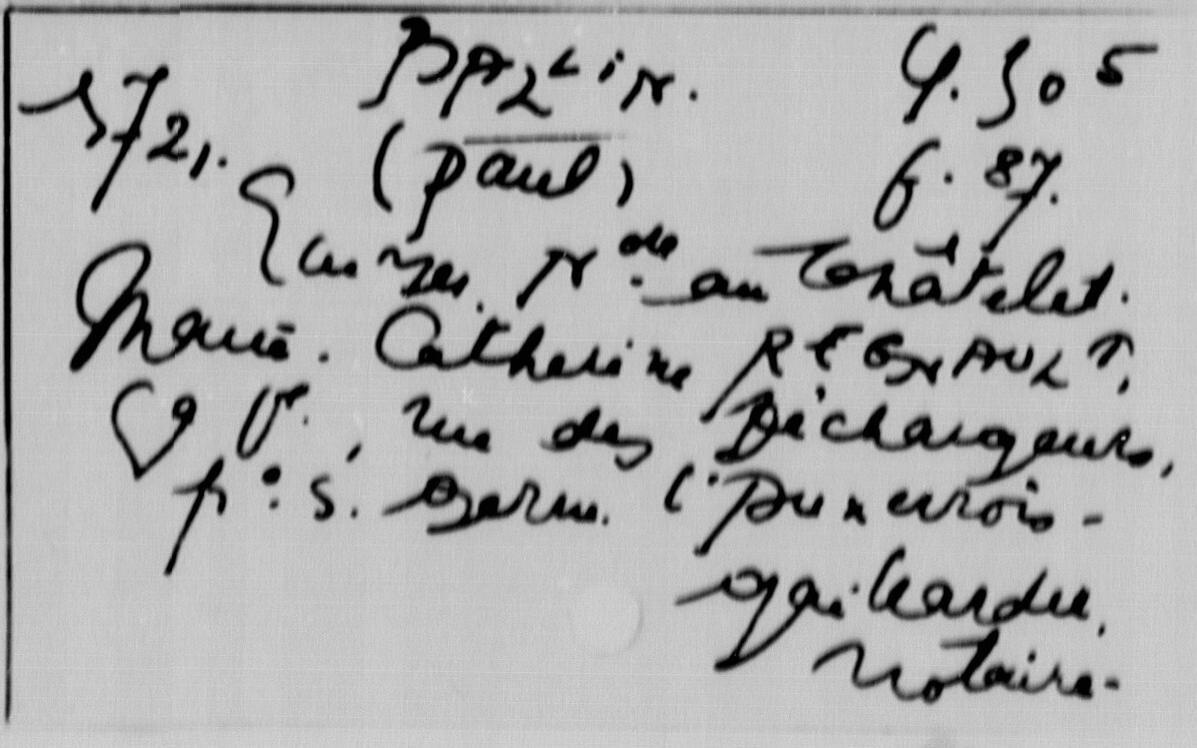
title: BALLIN (Paul)
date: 1721
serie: Y
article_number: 305
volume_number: folio 87
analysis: Ecuyer, notaire au Châtelet Marie Catherine REGNAULT, sa femme, rue des Déchargeurs, paroisse Saint-Germain-l'Auxerrois Gaillardie, notaire
